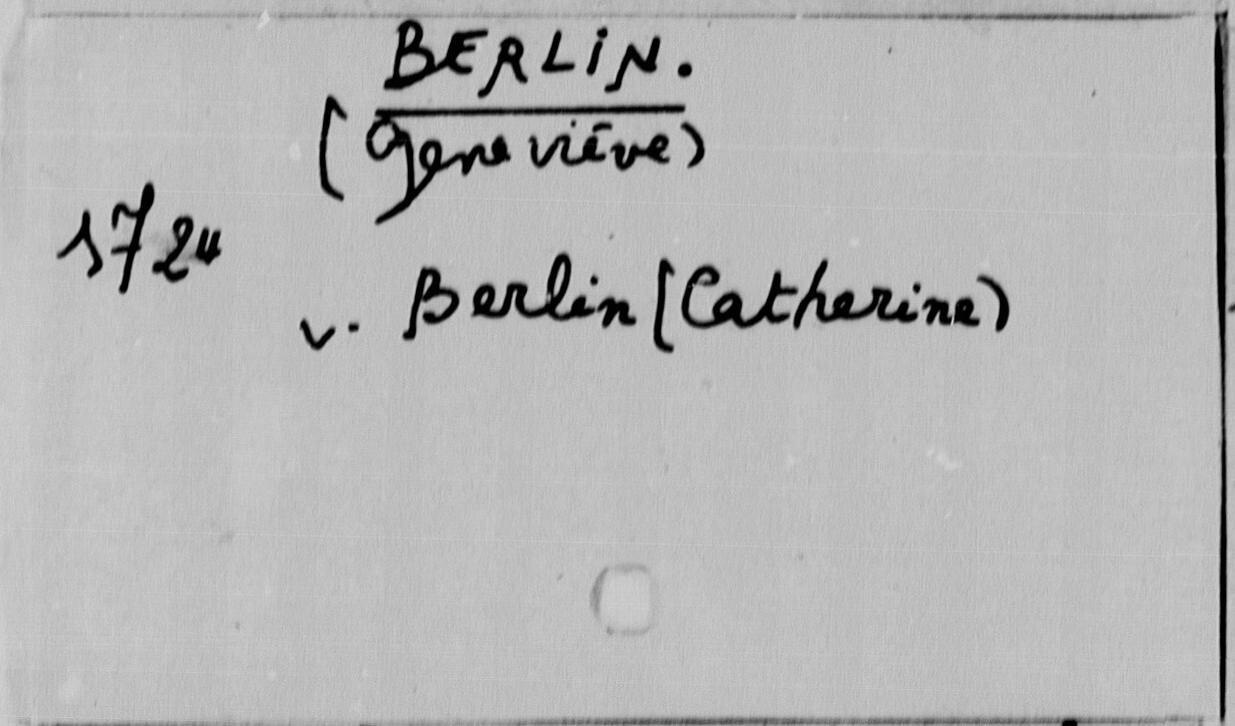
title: BERLIN (Geneviève)
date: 1724
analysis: Voir BERLIN (Catherine)
